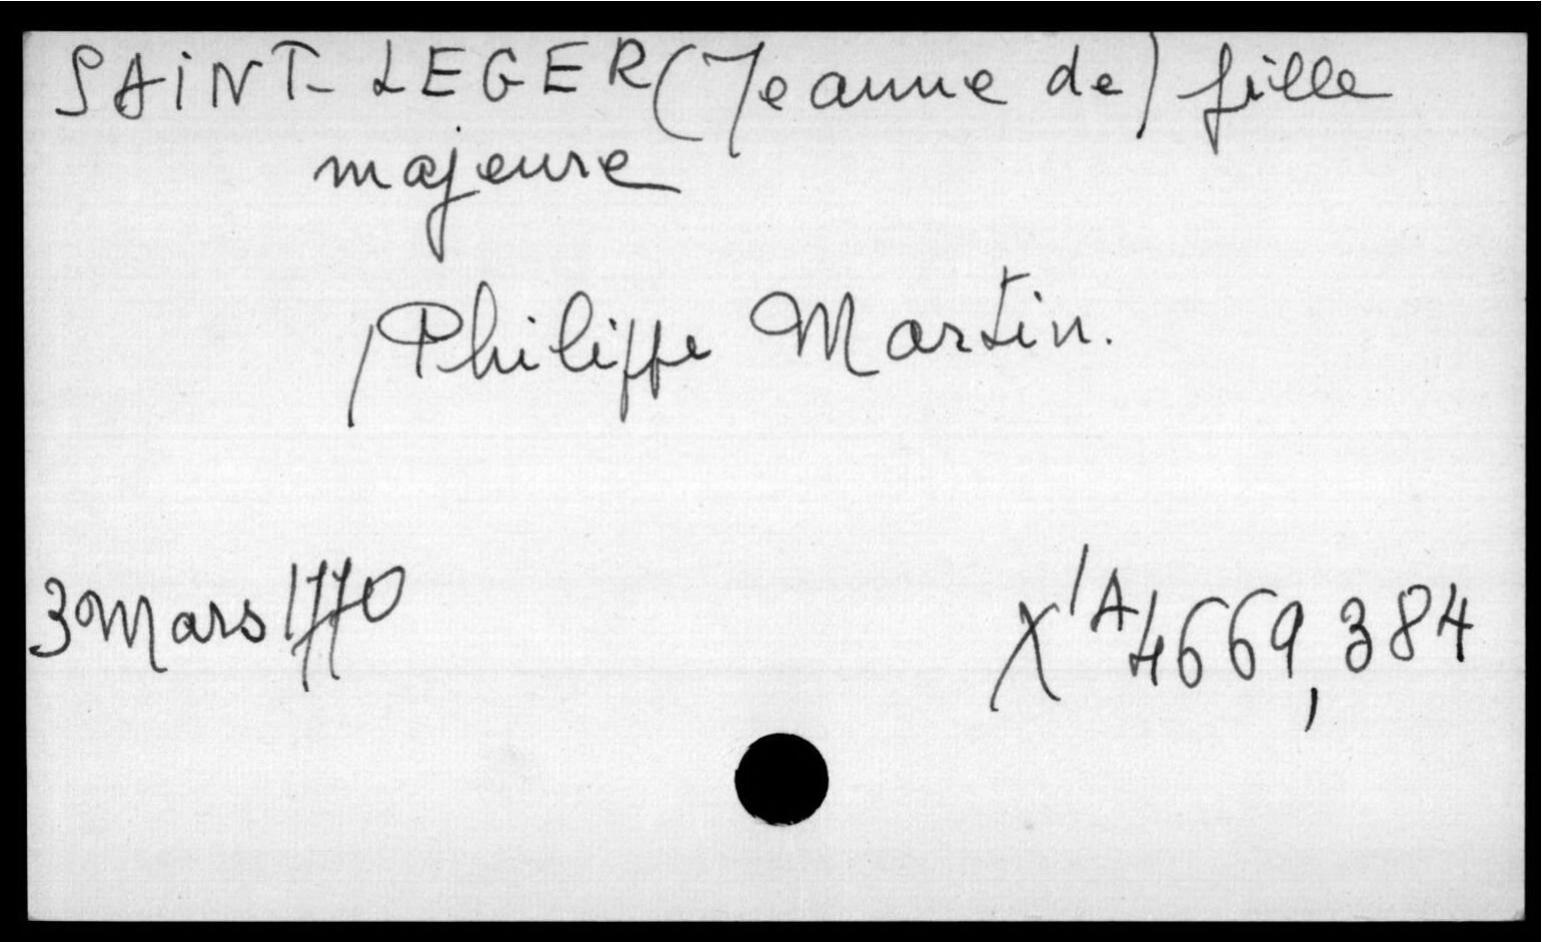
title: SAINT-LÉGER (Jeanne de) fille majeure
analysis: Contre Philippe Martin
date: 30 mars 1770
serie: X1A
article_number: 4669
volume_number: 384
